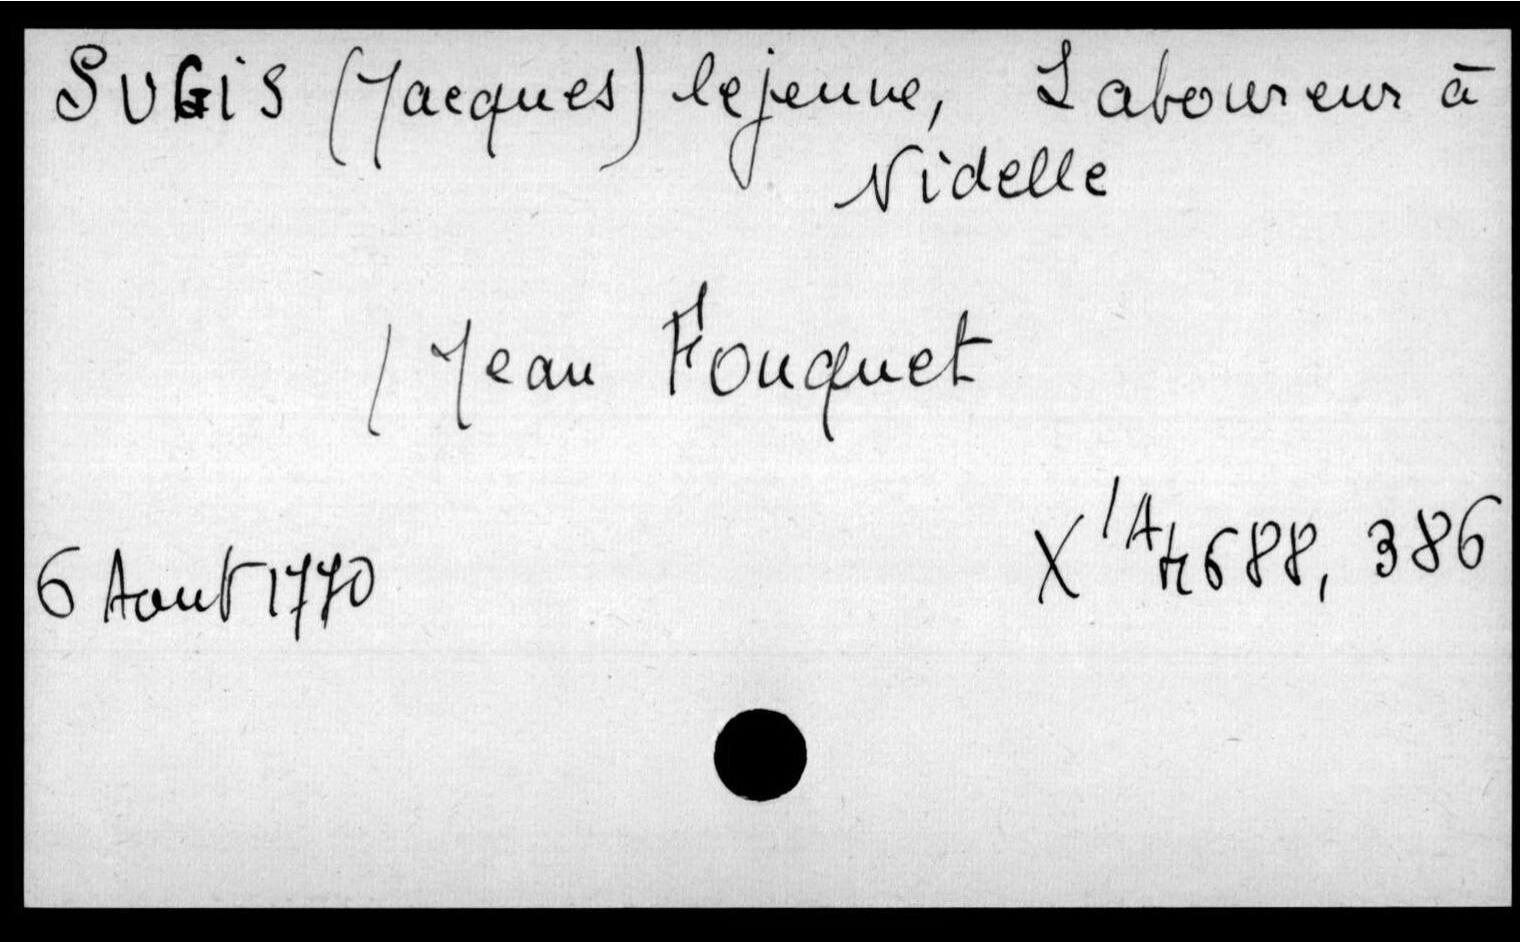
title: SUGIS (Jacques) le jeune, Laboureur à Videlle
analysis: Contre Jean Fouquet
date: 6 août 1770
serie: X1A
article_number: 4688
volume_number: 386
